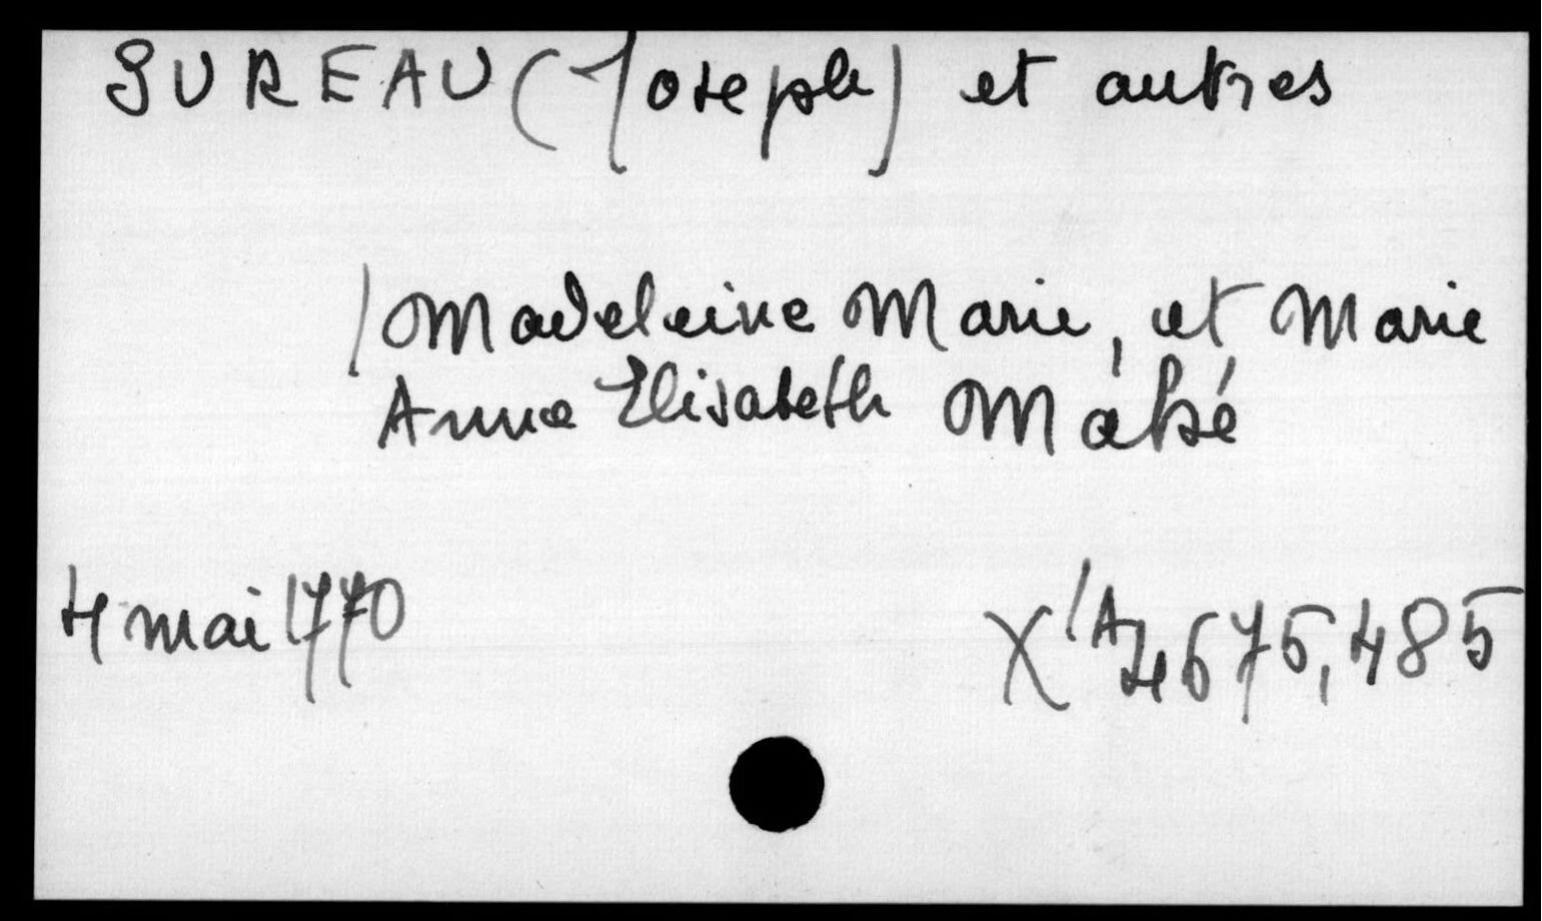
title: SUREAU (Joseph) et autres
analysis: Contre Madeleine Marie, et Marie Anne Elisabeth Mahé
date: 4 mai 1770
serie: X1A
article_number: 4676
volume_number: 485
